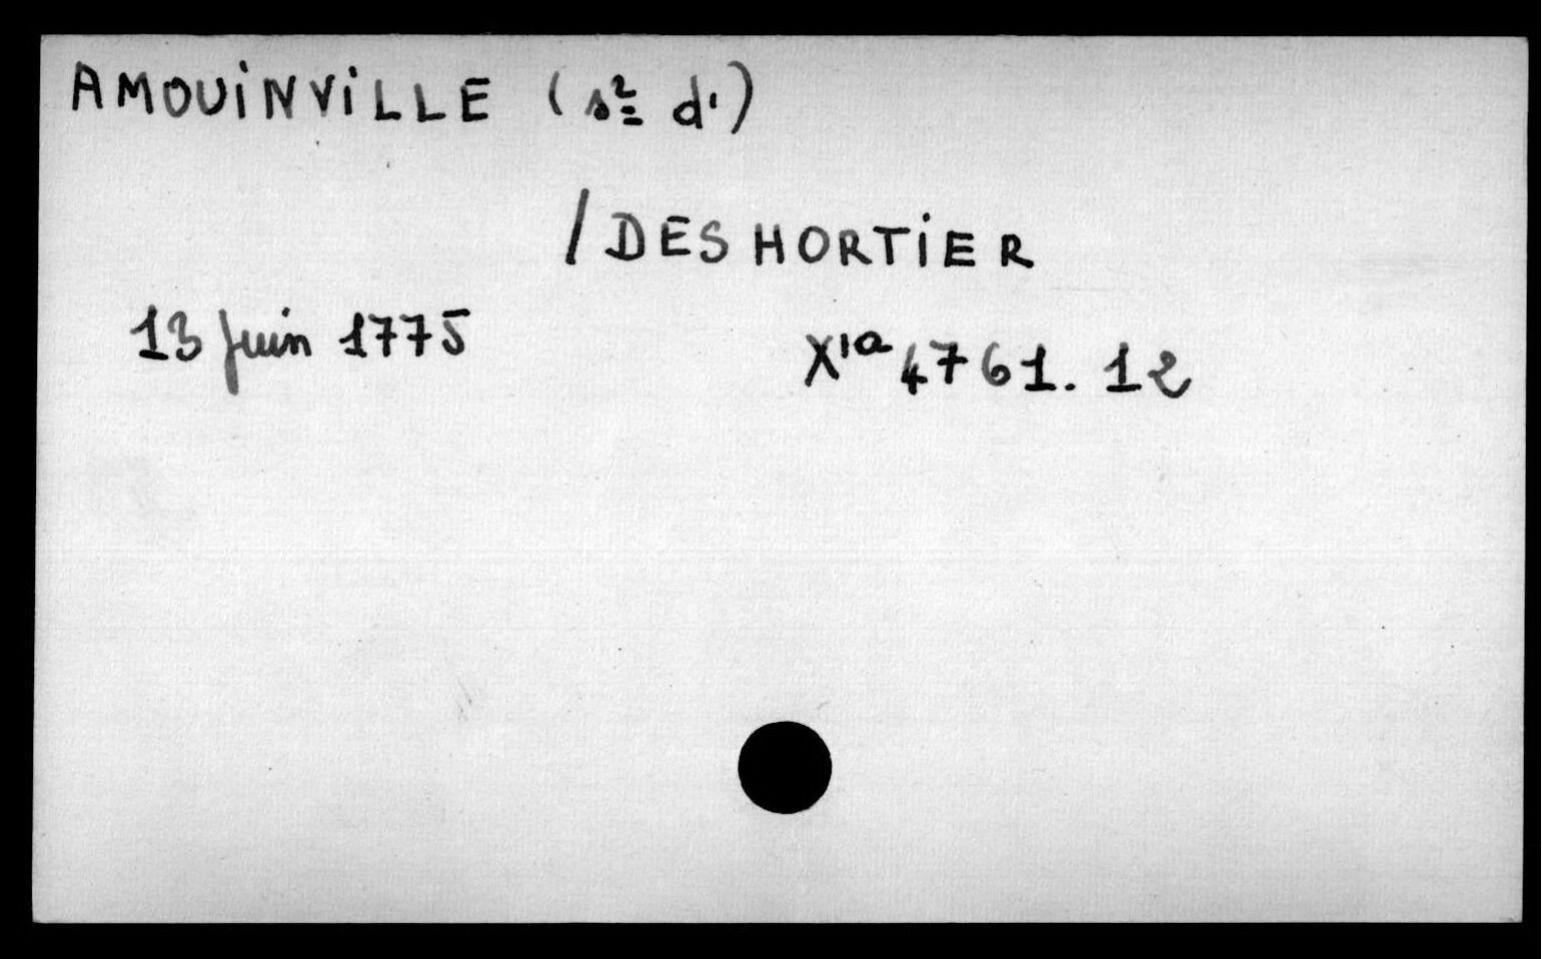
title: AMOUINVILLE (sieur d')
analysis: Contre DESHORTIER
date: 13 juin 1775
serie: X1a
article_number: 4761
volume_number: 12
